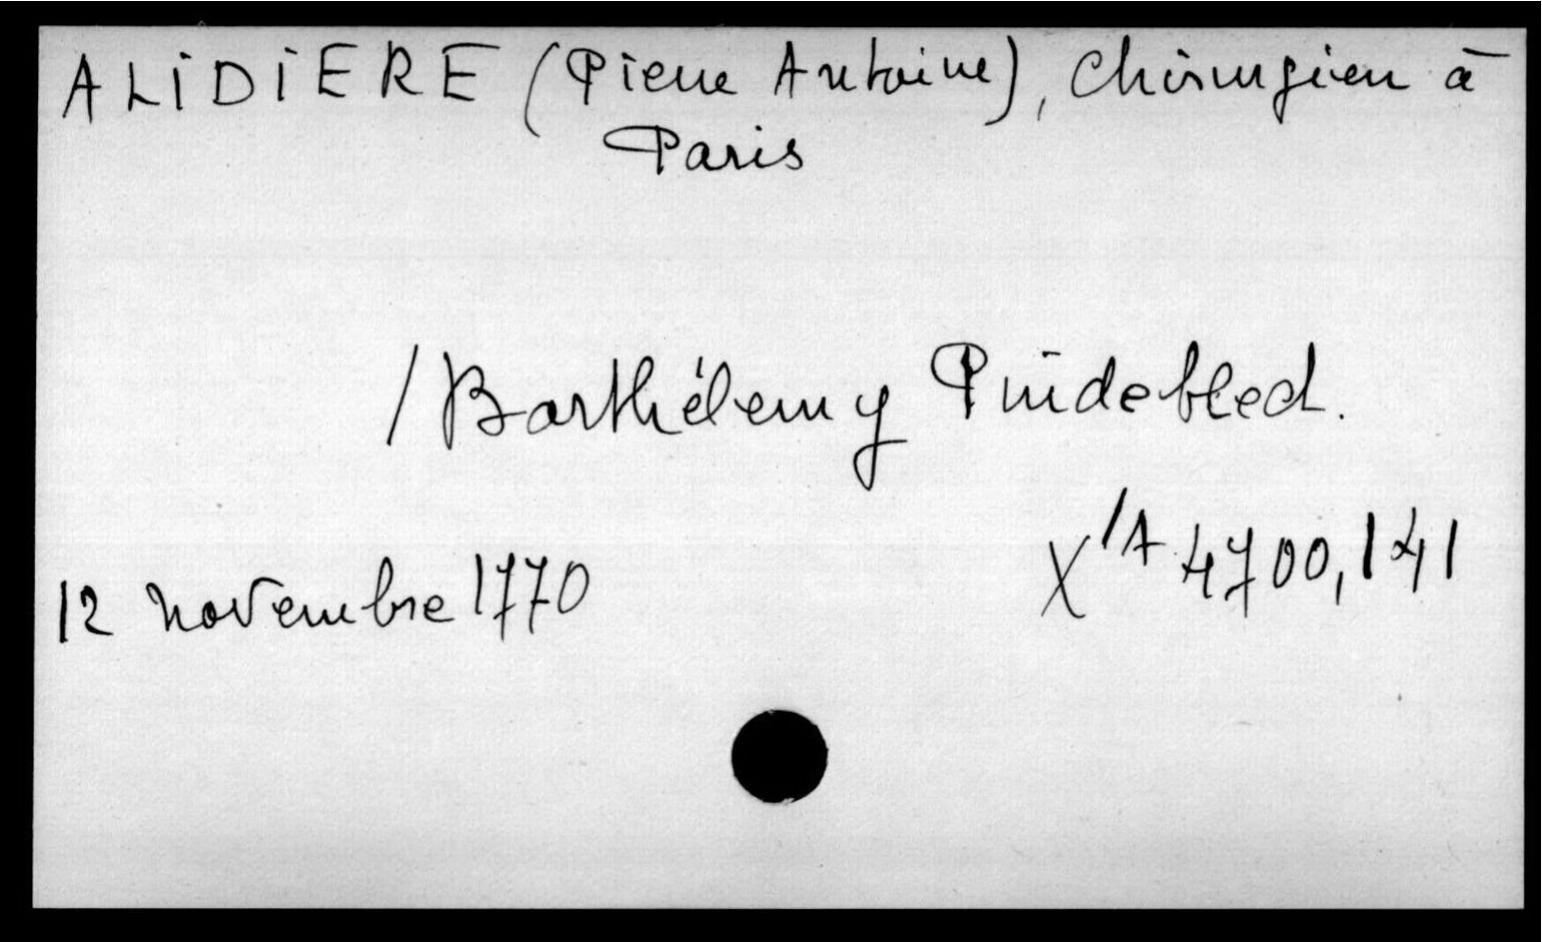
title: ALIDIERE (Pierre Antoine), chirurgien à Paris
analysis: Contre Barthélemy Puidebled
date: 12 novembre 1770
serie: X1A
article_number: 4700
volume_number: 141
